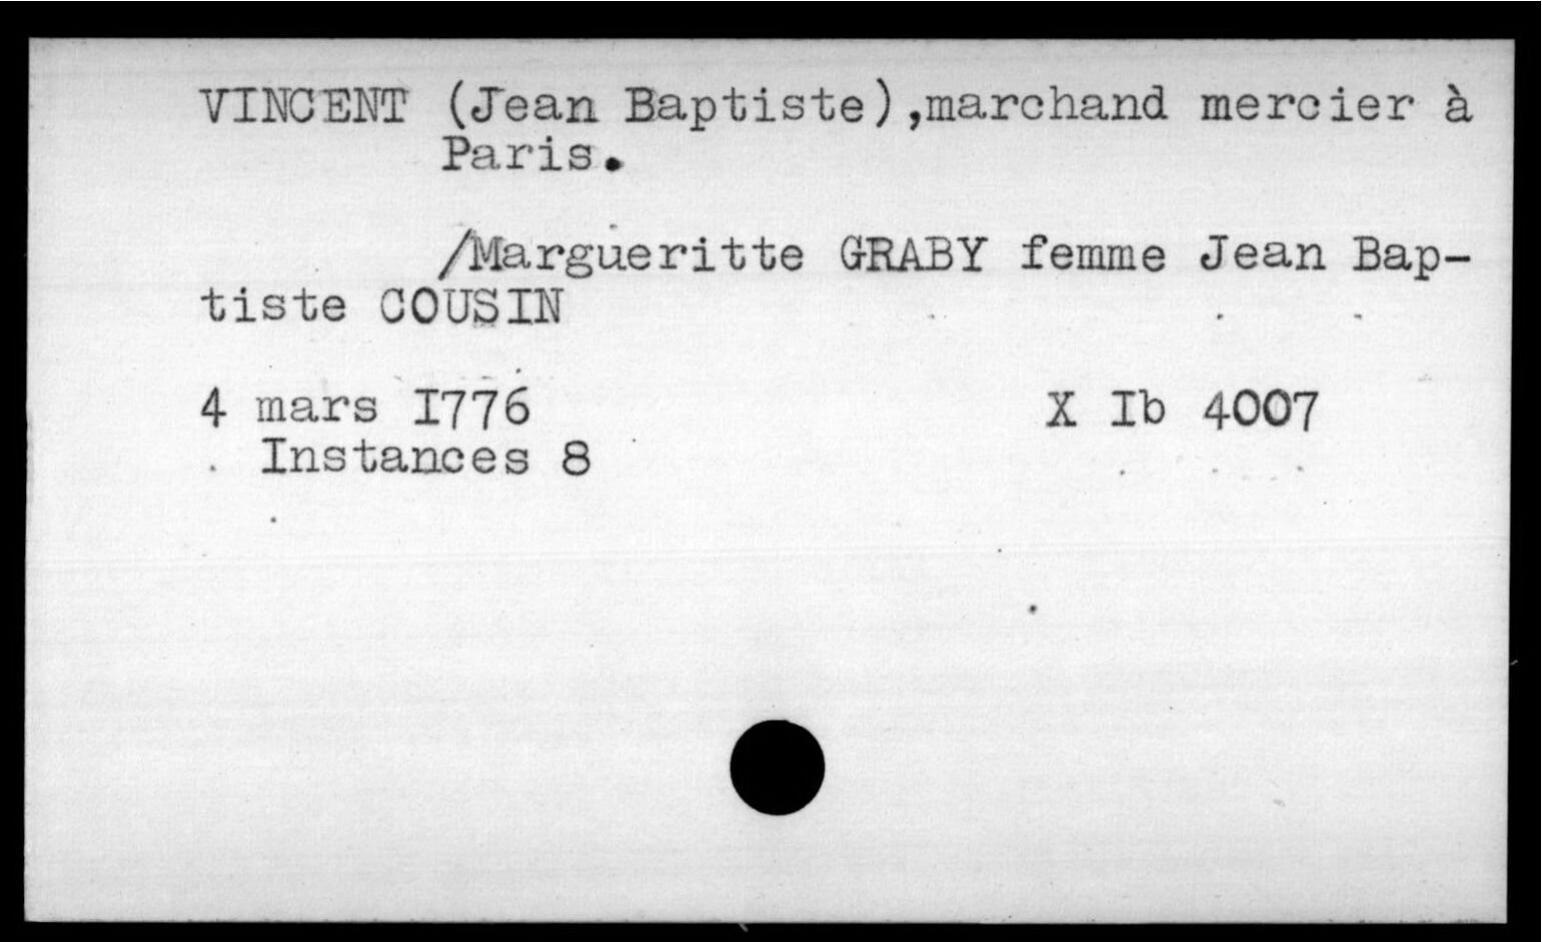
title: VINCENT (Jean Baptiste), marchand mercier à Paris.
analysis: Contre Margueritte GRABY femme Jean Baptiste Cousin
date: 4 mars 1776
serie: X1b
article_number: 4007
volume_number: Instances, 8
